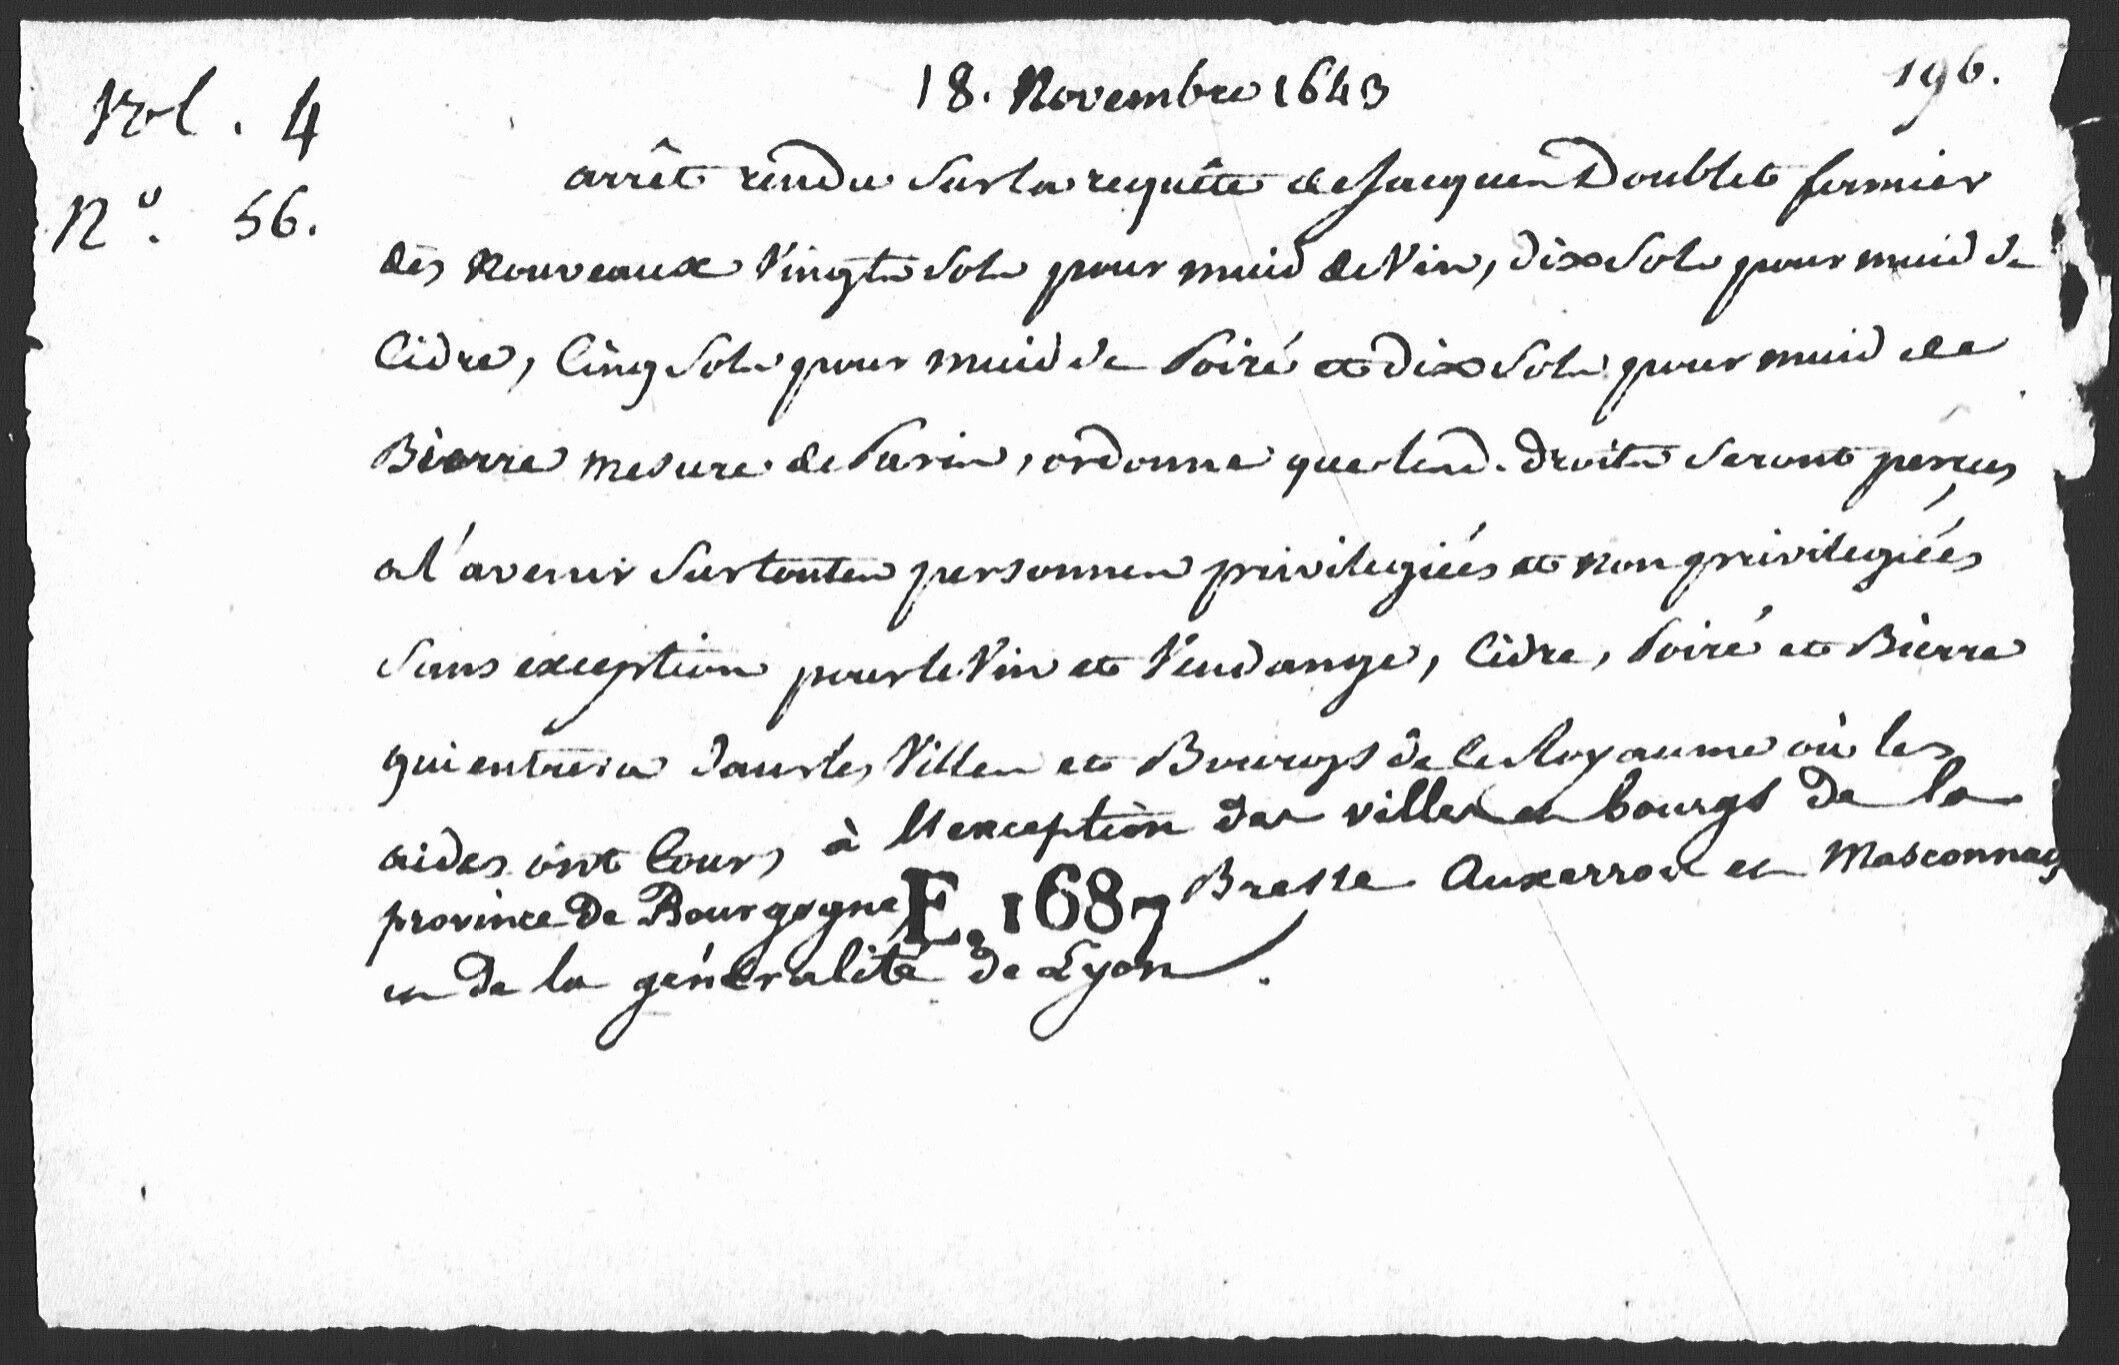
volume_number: n° 56
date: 18 novembre 1643
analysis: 196
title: arrêt rendu sur la requête de Jacques Doublet fermier des nouveaux vingts sols pour muid de Vin, dix sols pour muid de cidre, cinq sols pour muid de Poiré et dix sols pour muid de Bierre mesure de Paris, ordonne que lesd. droits seront perrues a l'avenir sur toutes personnes privilégiées et non privilégiées sans exception pour le vin et vendange, cidre, Poiré et Bierre qui entrera dans les villes et bourgs de ce Royaume où les aides ont cours, à l'exception des villes et bourgs de la province de Bourgogne, Bresse Auxerrois et Masconnay et de la généralité de Lyon.
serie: E
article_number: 1687
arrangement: Volume 4
